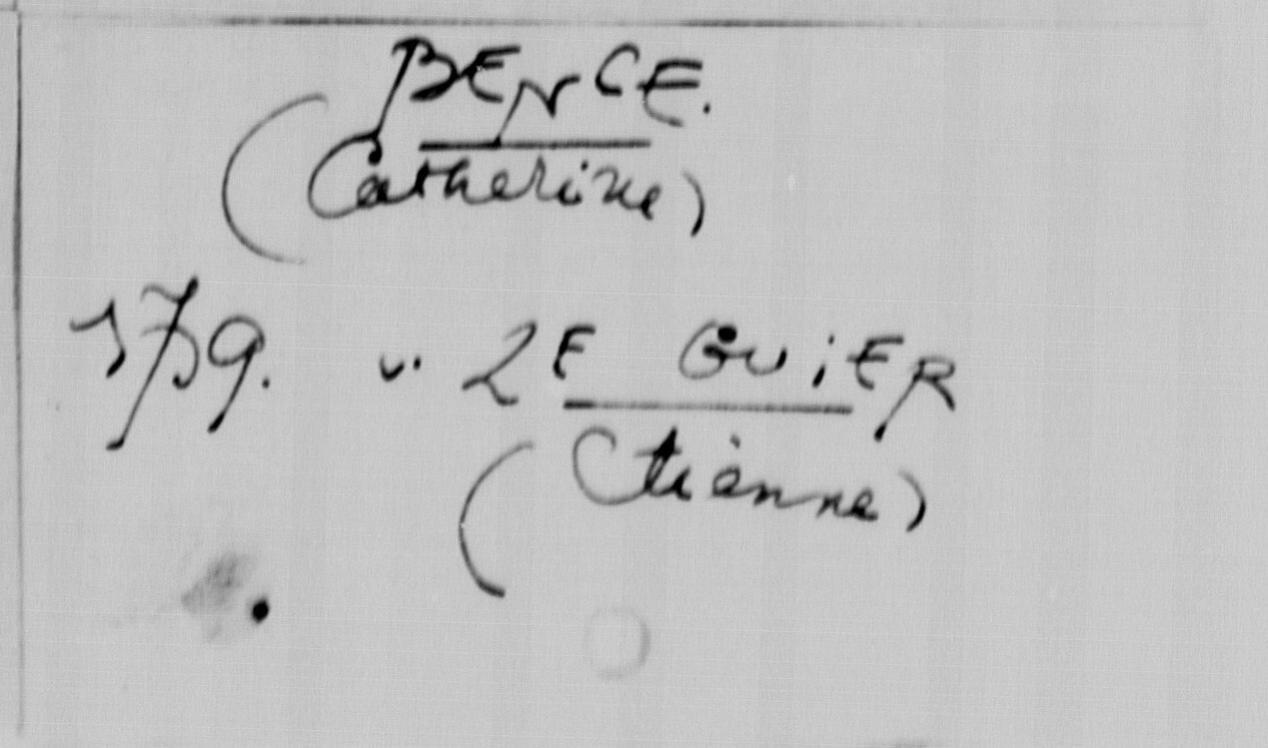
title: BENCE (Catherine)
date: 1719
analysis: Voir LE GUIER (Étienne)
